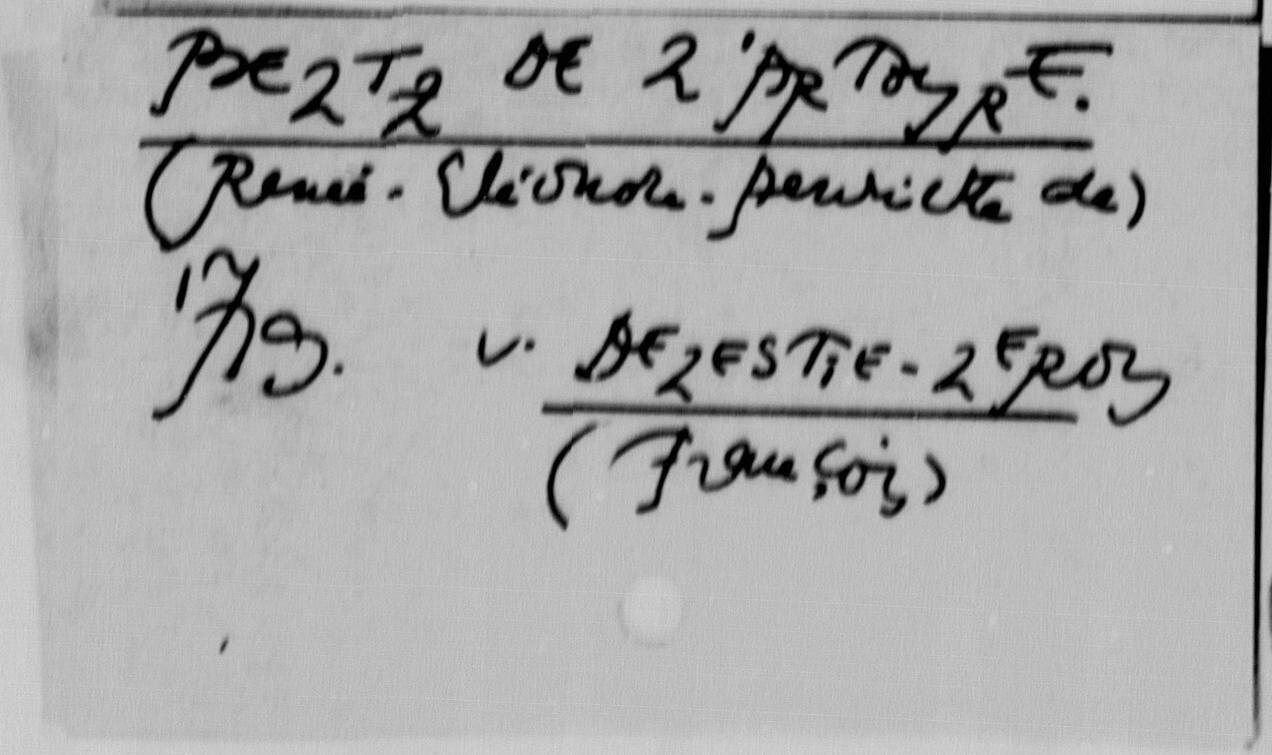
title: BELTZ DE L'ARTOYRE (Renée-Éléonore-Bénédicte de)
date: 1719
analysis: Voir DELESTRE-LEROY (François)
